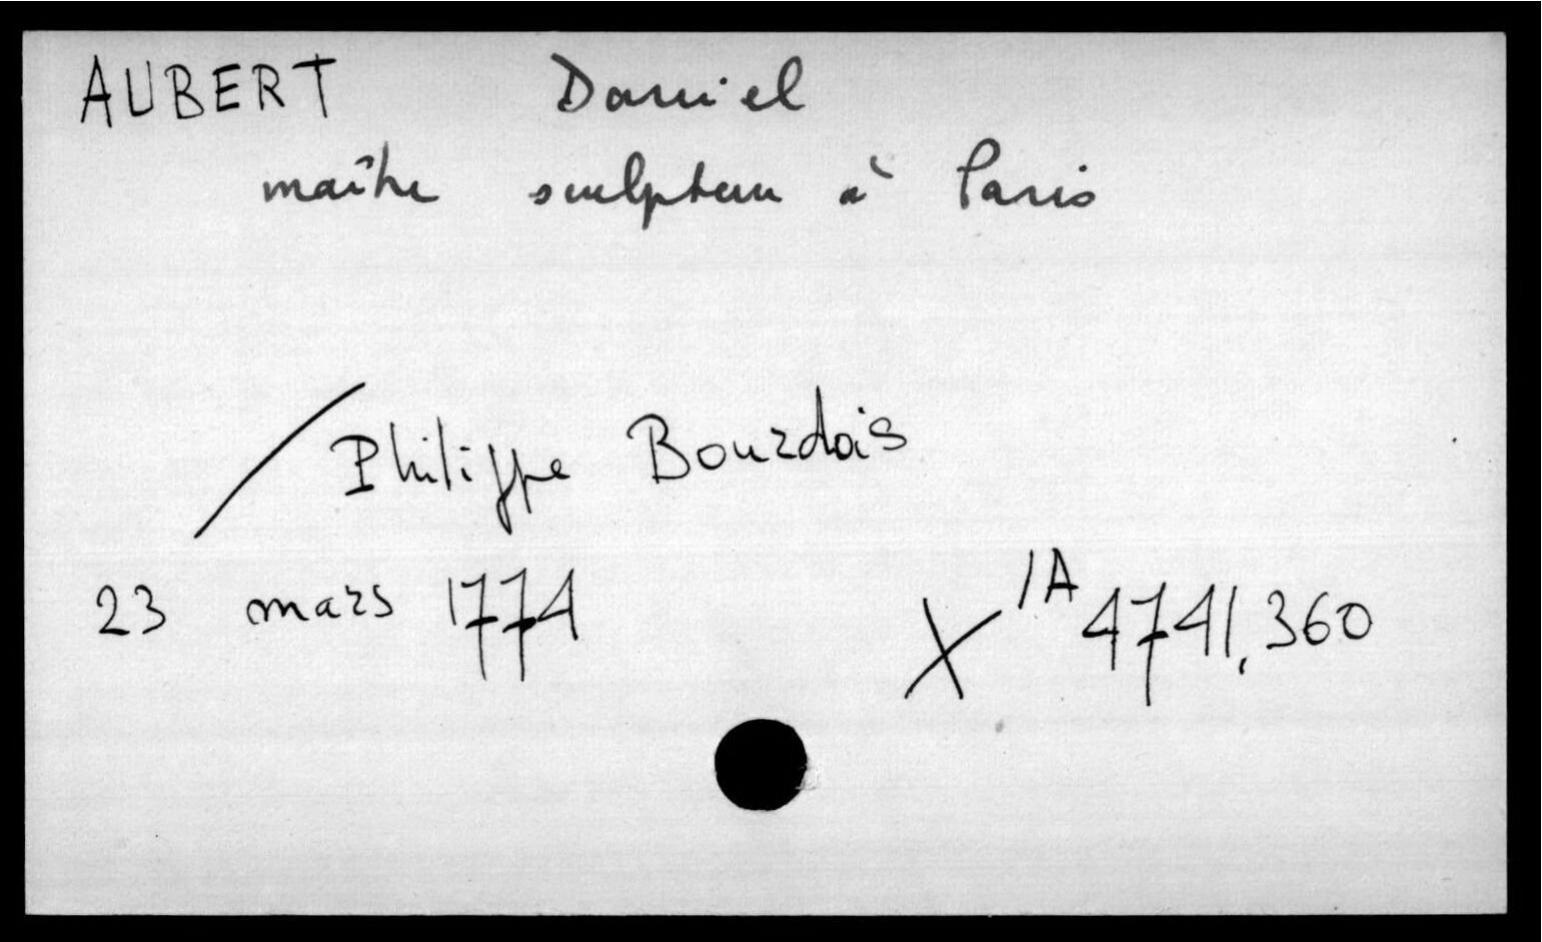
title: AUBERT maître Sculpteur à Paris
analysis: Contre Philippe Bourdois
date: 23 mars 1774
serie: X1A
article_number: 4741
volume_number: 360
